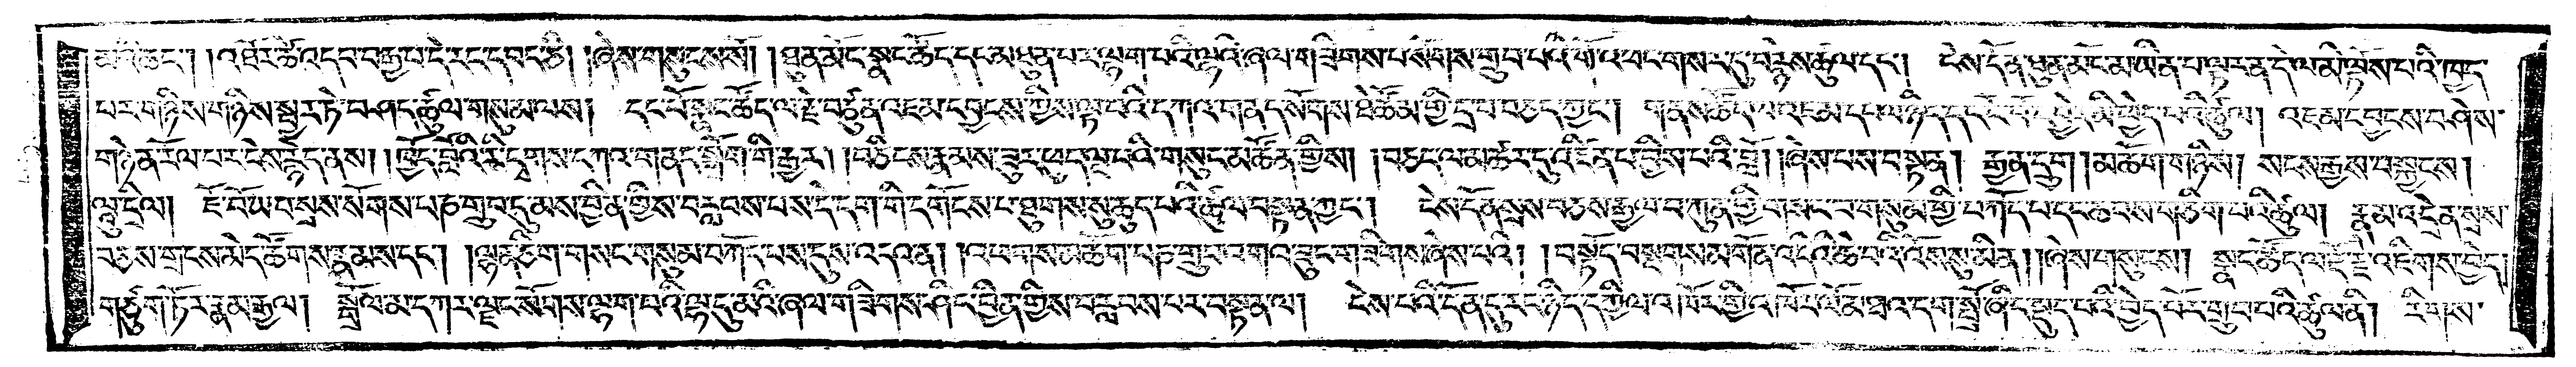མའི་ཆང་། །འཐོར་ཚེ་འདབ་བརྒྱ་བ་དེ་རང་དབང་ཅི། །ཞེས་གསུངས་སོ། །ཐུན་མོང་སྣང་ཚོད་དང་མཐུན་པར་ལྷག་པའི་ལྷའི་ཞལ་གཟིགས་པ་སོགས་གྲུབ་པའི་གོ་འཕང་གསར་དུ་བརྙེས་ཚུལ་དང་། ངེས་དོན་ཐུན་མོང་མ་ཡིན་པ་ལྟར་ན་དེ་ལ་མི་ལྟོས་པའི་ཁྱད་
པར་གཉིས་གཉིས་སྦྱར་ཏེ་བཤད་ཚུལ་གསུམ་ལས། དང་པོ་སྣང་ཚོད་ལ་རྗེ་བཙུན་འཇམ་དབྱངས་ཀྱིས་ལྟ་བའི་དཀའ་གནད་སོགས་ཐེ་ཚོམ་གྱི་དྲ་བ་བཅད་ཀྱང་། གནས་ཚོད་ལ་འཇམ་དཔལ་ཉིད་དང་ངོ་བོ་དབྱེར་མི་བྱེད་པའི་ཚུལ། འཇམ་དབྱངས་བཤེས་
གཉེན་རོལ་པར་ངེས་རྙེད་ནས། །ཁྱོད་བློའི་རི་དྭགས་དཀའ་གནང་སྒྲོག་གི་རྒྱུར། །བཅིངས་རྣམས་ཟུར་ཕུད་ལྔ་པའི་གསུང་མཚོན་གྱིས། །བཅད་ལ་མཚར་དུ་འཛིན་པ་བྱིས་པའི་བློ། །ཞེས་པས་བསྟན། རྒྱན་དྲུག །མཆོག་གཉིས། སངས་རྒྱས་བསྐྱངས།
དྲིལ། ངོ་བོ་ཡབ་སྲས་སོགས་པཎ་གྲུབ་དུ་མས་བྱིན་གྱིས་བརླབས་པས་དེ་དག་གི་དགོངས་པ་ཐུགས་སུ་ཆུད་པའི་ཚུལ་བསྟན་ཀྱང་། ངེས་དོན་སྲས་བཅས་རྒྱལ་བ་ཀུན་གྱི་གསང་བ་གསུམ་གྱི་བཀོད་པ་དང་ཆབས་གཅིག་པའི་ཚུལ། རྣམ་འདྲེན་སྲས་
བཅས་གྲངས་མེད་ཚོགས་རྣམས་དང་། །ལྷན་ཅིག་གསང་གསུམ་བཀོད་པས་དུས་འདའ་ན། །འཕགས་མཆོག་པཎ་གྲུབ་འགའ་ཟུང་གཟིགས་ཞེས་པའི། །བསྟོད་བསྔགས་མགོན་འདིའི་ཆེ་བའི་འོས་སུ་མིན། །ཞེས་གསུངས། སྣང་ཚོད་ལ་རྡོ་རྗེ་འཇིགས་བྱེད།
གཙུག་ཏོར་རྣམ་རྒྱལ། སྒྲོལ་མ་དཀར་ལྗང་སོགས་ལྷག་པའི་ལྷ་དུ་མའི་ཞལ་གཟིགས་ཤིད་བྱིན་གྱིས་བརླབས་པར་བསྟན་ལ། ངེས་པའི་དོན་དུ་རང་ཉིད་དཀྱིལ་འཁོར་གྱི་འཁོར་ལོ་མཐའ་དག་སྤྲོ་ཞིང་སྡུད་པའི་བྱེད་བོར་གྲུབ་པའི་ཚུལ་ནི། རིགས་